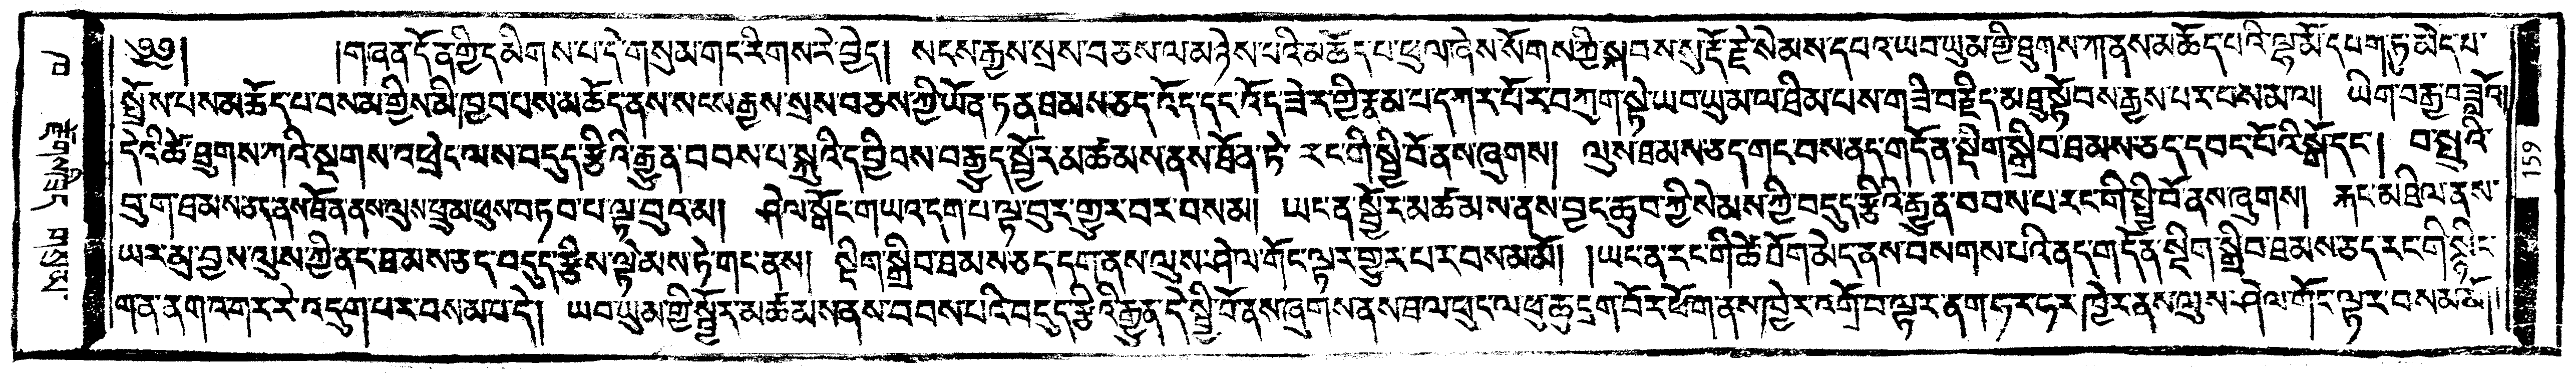༄༅། །གཞན་དོན་གྱི་དམིགས་པ་དེ་གསུམ་གན་རིགས་རེ་བྱེད། སངས་རྒྱས་སྲས་བཅས་ལ་མཉེས་པའི་མཆོད་པ་ཕུལ་ཞེས་སོགས་ཀྱི་སྐབས་སུ་རྡོ་རྗེ་སེམས་དཔའ་ཡབ་ཡུམ་གྱི་ཐུགས་ཀ་ནས་མཆོད་པའི་ལྷ་མོ་དཔག་ཏུ་མེད་པ་
སྤྲོས་པས་མཆོད་པ་བསམ་གྱིས་མི་ཁྱབ་པས་མཆོད་ནས་སངས་རྒྱས་སྲས་བཅས་ཀྱི་ཡོན་ཏན་ཐམས་ཅད་འོད་དང་འོད་ཟེར་གྱི་རྣམ་པ་དཀར་པོར་བཀུག་སྟེ་ཡབ་ཡུམ་ལ་ཐིམ་པས་གཟི་བརྗིད་མཐུ་སྟོབས་རྒྱས་པར་བསམ་ལ། ཡིག་བརྒྱ་བཟླའོ།
དེའི་ཚེ་ཐུགས་ཀའི་སྔགས་འཕྲེང་ལས་བདུད་རྩིའི་རྒྱུན་བབས་པ་སྐུའི་དབྱིབས་བརྒྱུད་སྦྱོར་མཚམས་ནས་ཐོན་ཏེ་རང་གི་སྤྱི་བོ་ནས་ཞུགས། ལུས་ཐམས་ཅད་གང་བས་ནད་གདོན་སྡིག་སྒྲིབ་ཐམས་ཅད་དབང་པོའི་སྒོ་དང་། བ་སྤུའི་
བུ་ག་ཐམས་ཅད་ནས་ཐོན་ནས་ལུས་ཕྲུ་མ་ཕུས་བཏབ་པ་ལྟ་བུ་འམ། ཤེལ་སྒོང་གཡའ་དག་པ་ལྟ་བུར་གྱུར་བར་བསམ། ཡང་ན་སྦྱོར་མཚམས་ནས་བྱང་ཆུབ་ཀྱི་སེམས་ཀྱི་བདུད་རྩིའི་རྒྱུན་བབས་པ་རང་གི་སྤྱི་བོ་ནས་ཞུགས། རྐང་མཐིལ་ནས་
ཡར་མུ་བྱས་ལུས་ཀྱི་ནང་ཐམས་ཅད་བདུད་རྩིས་ལྟེམས་ཏེ་གང་ནས། སྡིག་སྒྲིབ་ཐམས་ཅད་དག་ནས་ལུས་ཤེལ་གོང་ལྟར་གྱུར་པར་བསམ་མོ། །ཡང་ན་རང་གི་ཚེ་ཐོག་མེད་ནས་བསགས་པའི་ནད་གདོན་སྡིག་སྒྲིབ་ཐམས་ཅད་རང་གི་སྙིང་
ག་ན་ནག་འགར་རེ་འདུག་པར་བསམ་པ་དེ། ཡབ་ཡུམ་གྱི་སྦྱོར་མཚམས་ནས་བབས་པའི་བདུད་རྩིའི་རྒྱུན་དེ་སྤྱི་བོ་ནས་ཞུགས་ནས་ཐལ་ཕུང་ལ་ཕུ་ཆུ་དྲག་པོར་ཕོག་ནས་ཁྱེར་འགྲོ་བ་ལྟར་ནག་ཧར་ཧར་ཁྱེར་ནས་ལུས་ཤེལ་གོང་ལྟར་བསམ་མོ།